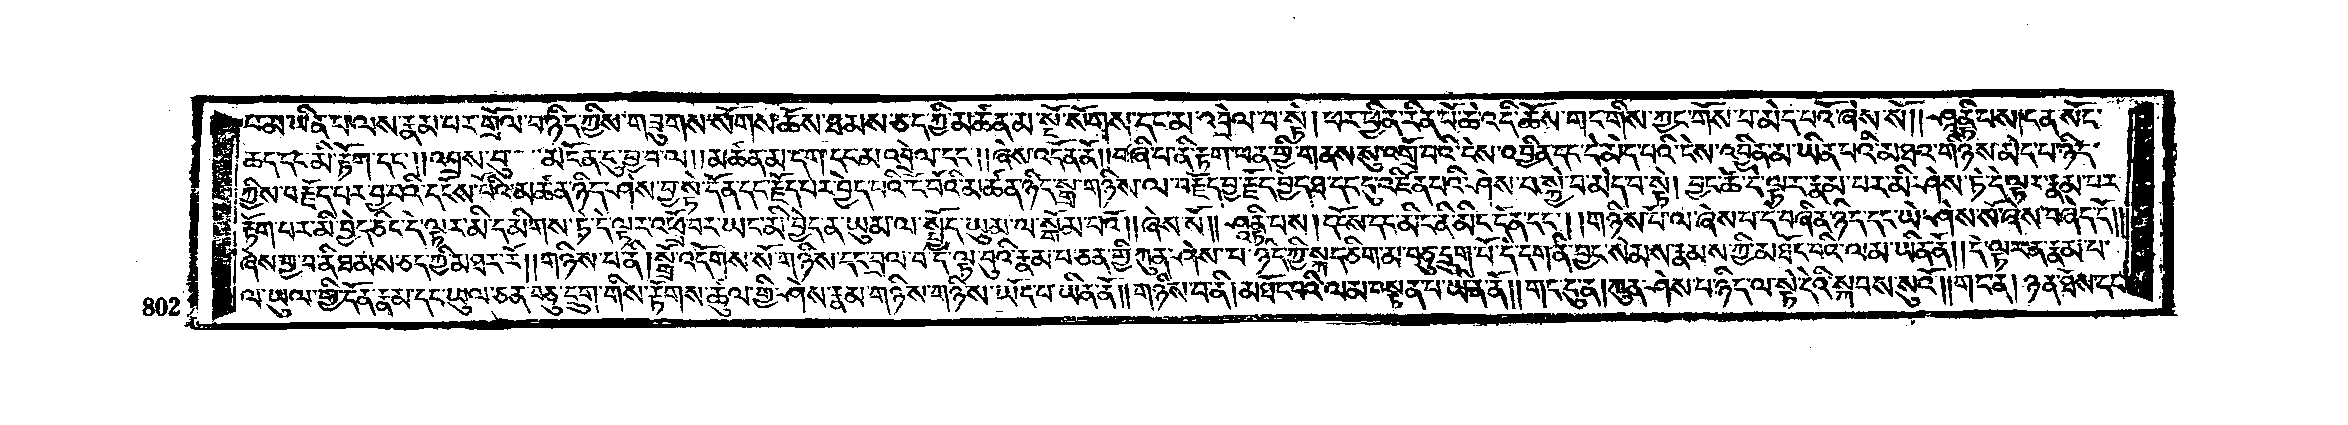པ་མ་ཡིན་པ་ལས་རྣམ་པར་གྲོལ་བ་ཉིད་ཀྱིས་གཟུགས་སོགས་ཆོས་ཐམས་ཅད་ཀྱི་མཚན་མ་སྔོ་སོགས་དང་མ་འབྲེལ་བ་སྟེ། ཕར་ཕྱིན་རིན་པོ་ཆེ་འདི་ཆོས་གང་གིས་ཀྱང་གོས་པ་མེད་པའོ་ཞེས་སོ། །ཤཱནྟི་པས། ངན་སོང་
ཆད་དང་མི་རྟོག་དང་། །འབྲས་བུ་མངོན་དུ་བྱ་བ་ལ། །མཚན་མ་དག་དང་མ་འབྲེལ་དང་། །ཞེས་འདོན་ནོ། །བཞི་པ་ནི་རྟག་ཕན་གྱི་གནས་སུ་འགྲོ་བའི་ངེས་འབྱིན་དང་དེ་མེད་པའི་ངེས་འབྱིན་མ་ཡིན་པའི་མཐའ་གཉིས་མེད་པ་ཉིད་
ཀྱིས་བརྗོད་པར་བྱ་བའི་དངོས་པོའི་མཚན་ཉིད་ཤེས་བྱ་སྟེ་དོན་དང་རྗོད་པར་བྱེད་པའི་ངོ་བོའི་མཚན་ཉིད་སྒྲ་གཉིས་ལ་བརྗོད་བྱ་རྗོད་བྱེད་ཐ་དང་དུ་འཛིན་པའི་ཤེས་པ་སྐྱེ་བ་མེད་པ་སྟེ། བྱང་ཚེ་དེ་ལྟར་རྣམ་པར་མི་ཤེས་ཏེ་དེ་ལྟར་རྣམ་པར་
རྟོག་པར་མི་བྱེད་ཅིང་དེ་ལྟར་མི་དམིགས་ཏེ་དེ་ལྟར་འཕྲོ་བར་ཡང་མི་བྱེད་ན་ཡུམ་ལ་སྤྱོད་ཡུམ་ལ་སྒོམ་པའོ། །ཞེས་སོ། །ཤཱནྟི་པས། དངོས་དང་མིང་ནི་མིང་དོན་དང་། །གཉིས་པོ་ལ་ཞེས་པ་དེ་བཞིན་ཉིད་དང་ཡེ་ཤེས་སོ་ཞེས་བཞེད་དོ། །
ཞེས་བྱ་བ་ནི་ཐམས་ཅད་ཀྱི་མཐར་རོ། །གཉིས་པ་ནི། སྒྲོ་འདོགས་སོ་གཉིས་དང་བྲལ་བ་དེ་ལྟ་བུའི་རྣམ་པ་ཅན་གྱི་ཀུན་ཤེས་པ་ཉིད་ཀྱི་སྐད་ཅིག་མ་བཅུ་དྲུག་པོ་དེ་དག་ནི་བྱང་སེམས་རྣམས་ཀྱི་མཐོང་བའི་ལམ་ཡིན་ནོ། །དེ་ལྟར་ན་རྣམ་པ་
ལ་ཡུལ་གྱི་དོན་རྣམ་དང་ཡུལ་ཅན་བཅུ་དྲུག་གིས་རྟོགས་ཚུལ་གྱི་ཤེས་རྣམ་གཉིས་གཉིས་ཡོད་པ་ཡིན་ནོ། །གཉིས་པ་ནི། མཐོང་བའི་ལམ་བསྟན་པ་ཡིན་ནོ། །གང་དུ་ན། ཀུན་ཤེས་པ་ཉིད་ལ་སྟེ་དེའི་སྐབས་སུའོ། །གང་ན། ཉན་ཐོས་དང་